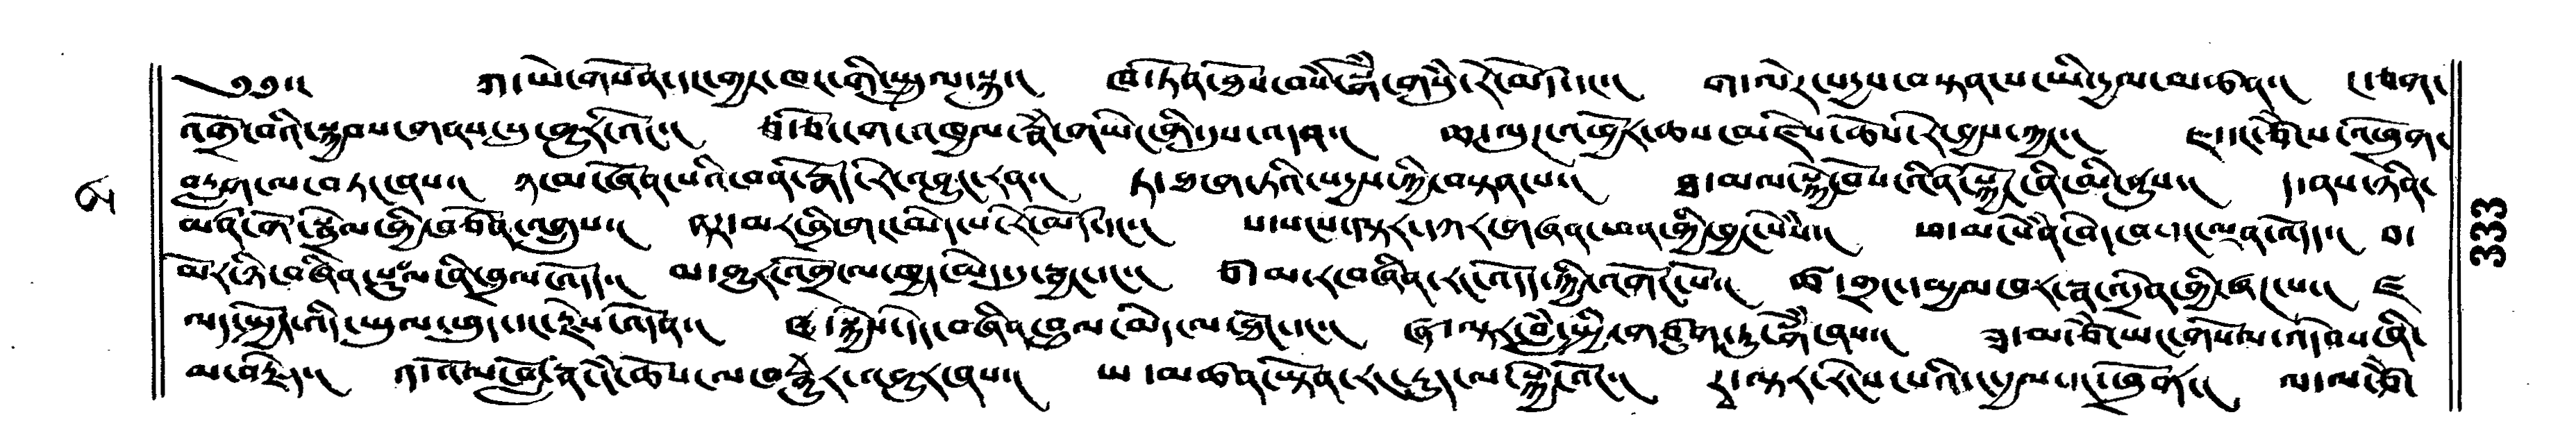༄༅། ཀ་ཡེ་གསོན་དང་གྱང་ཁང་གི་སྤྲུལ་སྐུ། ཁ་བཏོན་ཐོས་བསམ་སྒོམ་གསུམ་རེ་མཛོད་དང་། །ག་ལེར་སངས་རྒྱས་བསྟན་པ་ཡི་རྒྱལ་མཚན། །ང་ཅག་
འགྲོ་བའི་སྐྱབས་གནས་སུ་གྱུར་འོང་། །ཅ་ཅོ་ངག་འཁྱལ་རྣམ་གཡེང་གི་དུས་འདའ། །ཆ་ལུགས་འཕྱོར་ཆས་མཛེས་ཆོས་རེ་བྱས་ཀྱང་། །ཇ་དང་ཙམ་པ་འཕྲོག་
བརླག་ལ་བཏང་ནས། །ཉ་མ་ཞོན་པའི་བན་རྒོད་རེ་འབྱུང་རན། །ཏ་ཐ་ག་ཏའི་སངས་རྒྱས་ཀྱི་བསྟན་པ། །ཐ་མལ་སྐྱེ་བོས་འཛིན་སྐྱོང་ནི་མི་ནུས། །ད་ནས་ཉིན་
མཚན་མགོ་སྦྲེལ་གྱི་བརྩོན་འགྲུས། །ནར་མར་བྲི་གང་མེད་པ་རེ་མཛོད་དང་། །པ་སངས་ལྟར་དཀར་གཞན་ཕན་གྱི་བྱང་སེམས། །ཕ་མ་སེམས་ཅན་བདེ་བ་དང་ལྡན་འདོད། །བ་
མོར་ཉི་བཞིན་སྡུག་བསྔལ་ནི་བྲལ་འདོད། །མ་གྱུར་འགྲོ་ལ་ཁྱད་མེད་དུ་སྦྱོངས་དང་། །ཙ་མ་ར་བཞིན་རང་འདོད་ཀྱི་འགོང་པོ། །ཚ་གྲང་དམྱལ་བར་སྣ་འདྲེན་གྱི་ཞགས་པ། །ཛ་
ལང་སྤྱོད་འདི་ཡུལ་ཕུད་དང་རྗེས་འདོན། །ཝ་སྐྱེས་དེད་བཞིན་ཤུལ་མེད་ལ་ཐོངས་དང་། །ཞྭ་ལྟར་བླ་མ་སྤྱི་གཙུག་ཏུ་སྒོམ་ནས། །ཟ་མ་ཙམ་ཡང་གསོལ་འདེབས་ནི་
མ་བརྗེད། །འ་འོལ་བློ་སྣ་དམ་ཆོས་ལ་འགྱུར་ནས། །ཡ་མཚན་ཡོན་ཏན་རང་རྒྱུད་ལ་སྐྱེ་འོང་། །རྭ་ལྟར་རེངས་པའི་ང་རྒྱལ་དང་ཕྲག་དོག །ལ་ལ་ཙམ་